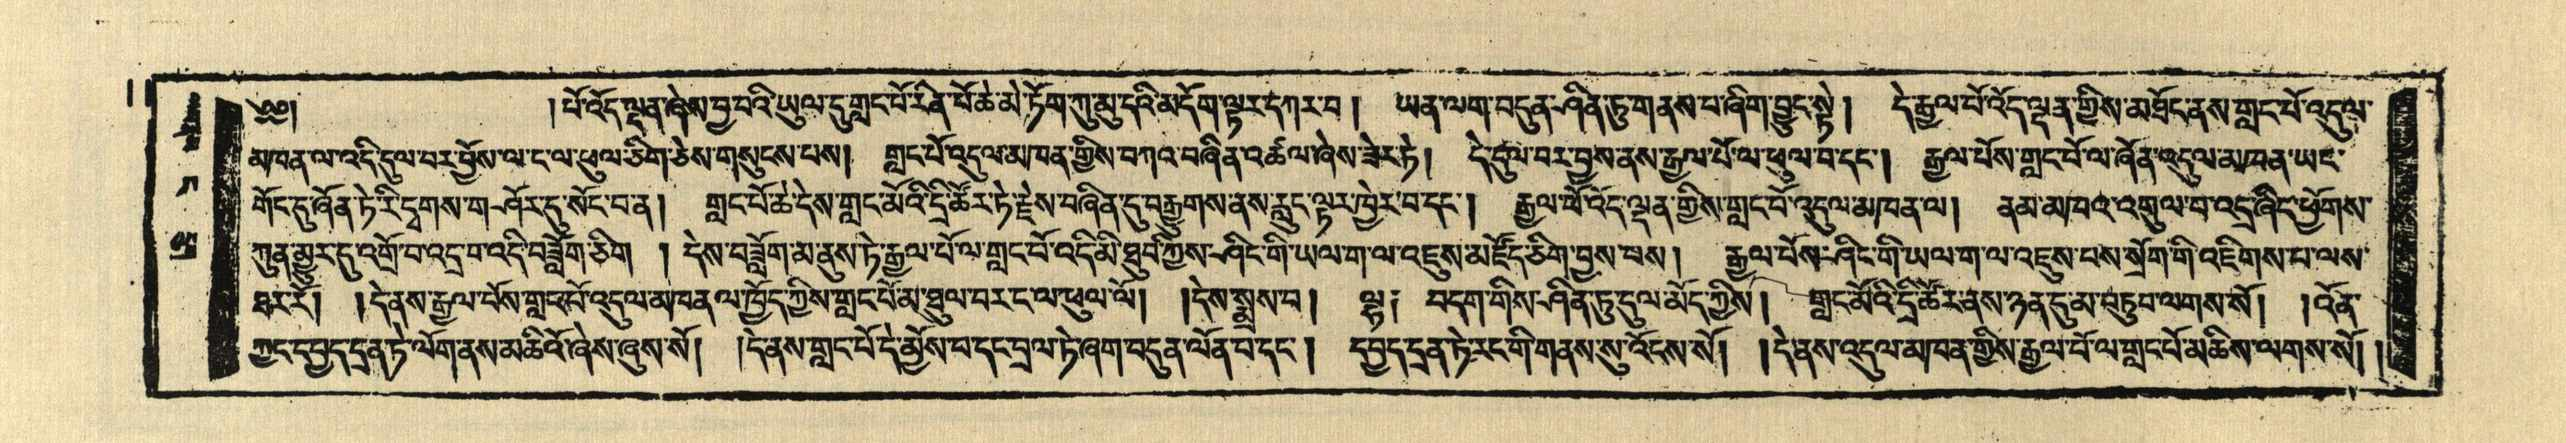༄༅། །པོ་འོད་ལྡན་ཞེས་བྱ་བའི་ཡུལ་དུ་གླང་པོ་རིན་པོ་ཆེ་མེ་ཏོག་ཀུ་མུ་དའི་མདོག་ལྟར་དཀར་བ། ཡན་ལག་བདུན་ཤིན་ཏུ་གནས་པ་ཞིག་བྱུང་སྟེ། དེ་རྒྱལ་པོ་འོད་ལྡན་གྱིས་མཐོང་ནས་གླང་པོ་འདུལ་
མཁན་ལ་འདི་དུལ་བར་བྱོས་ལ་ང་ལ་ཕུལ་ཅིག་ཅེས་གསུངས་པས། གླང་པོ་འདུལ་མཁན་གྱིས་བཀའ་བཞིན་འཚལ་ཞེས་ཟེར་ཏེ། དེ་དུལ་བར་བྱས་ནས་རྒྱལ་པོ་ལ་ཕུལ་བ་དང་། རྒྱལ་པོས་གླང་པོ་ལ་ཞོན་འདུལ་མཁན་ཡང་
གོང་དུ་ཞོན་ཏེ་རི་དྭགས་གཤོར་དུ་སོང་བ་ན། གླང་པོ་ཆེ་དེས་གླང་མོའི་དྲི་ཚོར་ཏེ་རྗེས་བཞིན་དུ་བརྒྱུགས་ནས་རླུང་ལྟར་ཁྱེར་བ་དང་། རྒྱལ་ཕོ་འོད་ལྡན་གྱིས་གླང་པོ་འདུལ་མཁན་ལ། ནམ་མཁའ་འགུལ་བ་འདྲ་ཞིང་ཕྱོགས་
ཀུན་མྱུར་དུ་འགྲོ་བ་འདྲ་བ་འདི་བཟློག་ཅིག །དེས་བཟློག་མ་ནུས་ཏེ་རྒྱལ་པོ་ལ་གླང་པོ་འདི་མི་ཐུབ་ཀྱིས་ཤིང་གི་ཡལ་ག་ལ་འཇུས་མཛོད་ཅིག་བྱས་པས། རྒྱལ་པོས་ཤིང་གི་ཡལ་ག་ལ་འཇུས་པས་སྲོག་གི་འཇིགས་པ་ལས་
ཐར་རོ། །དེ་ནས་རྒྱལ་པོས་གླང་པོ་འདུལ་མཁན་ལ་ཁྱོད་ཀྱིས་གླང་པོ་མ་ཐུལ་བར་ང་ལ་ཕུལ་ལོ། །དེས་སྨྲས་པ། ལྷ༑ བདག་གིས་ཤིན་ཏུ་དུལ་མོད་ཀྱིས། གླང་མོའི་དྲི་ཚོར་ནས་ཉན་དུ་མ་བཏུབ་ལགས་སོ། །འོན་
ཀྱང་དཔྱད་དྲན་ཏེ་ལོག་ནས་མཆིའོ་ཞེས་ཞུས་སོ། །དེ་ནས་གླང་པོ་དེ་མྱོས་པ་དང་བྲལ་ཏེ་ཞག་བདུན་ལོན་པ་དང་། དཔྱད་དྲན་ཏེ་རང་གི་གནས་སུ་འོངས་སོ། །དེ་ནས་འདུལ་མཁན་གྱིས་རྒྱལ་པོ་ལ་གླང་པོ་མཆིས་ལགས་སོ། །